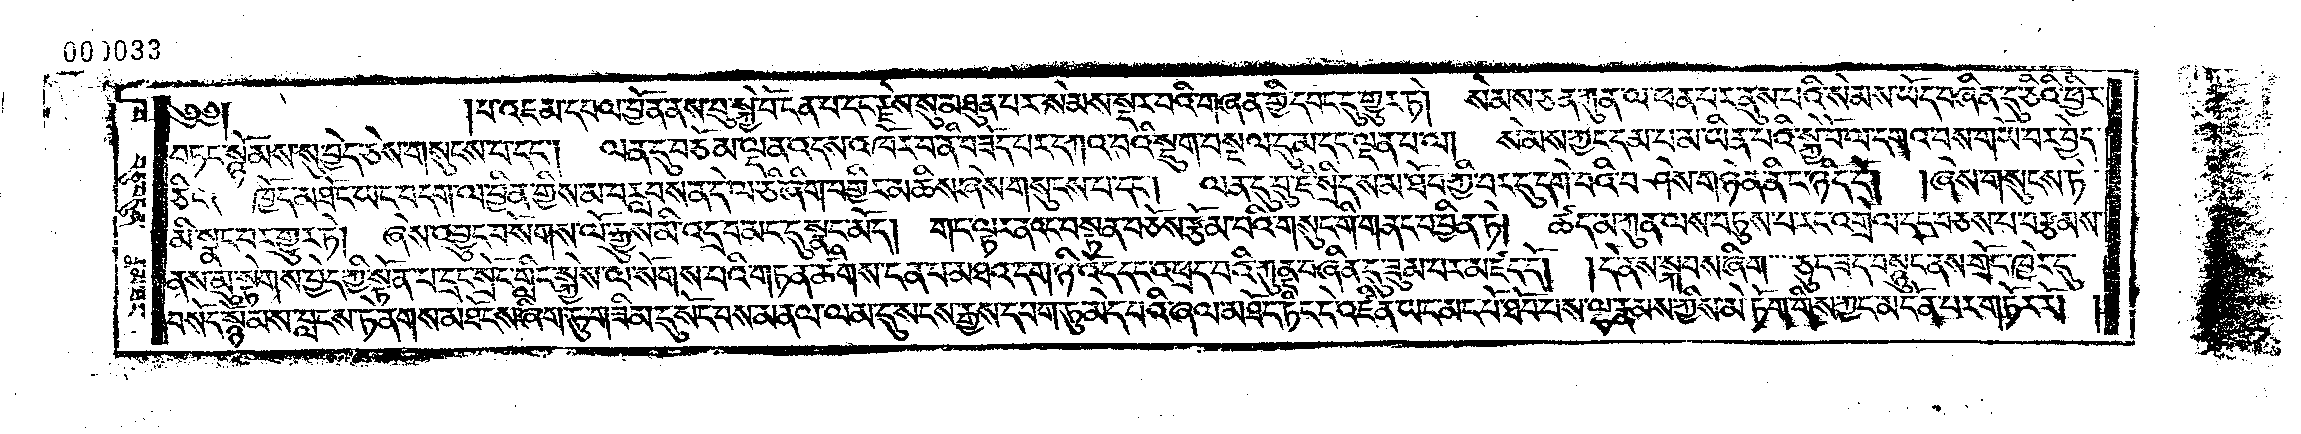༄༅། །པ་འཇམ་དཔལ་བྱོན་ནས་པུ་སྐྱེ་བོ་དན་པ་དང་རྗེས་སུ་མཐུན་པར་སེམས་སྔར་བའི་གཞན་གྱི་དབང་དུ་གྱུར་ཏེ། སེམས་ཅན་ཀུན་ལ་ཕན་པར་ནུས་པའི་སེམས་ཡོད་བཞིན་དུ་ཅིའི་ཕྱིར་
བཏང་སྙོམས་སུ་བྱེད་ཅེས་གསུངས་པ་དང་། ལན་དུ་བཅོམ་ལྡན་འདས་འཁོར་བ་ནི་བཟོད་པར་དཀའ་བའི་སྡུག་བསྔལ་དུ་མ་དང་ལྡན་པ་ལ། སེམས་ཀྱང་དམ་པ་མ་ཡིན་པའི་སྐྱེ་བོ་ལ་དགའ་བས་གཡོ་བར་བྱེད་
ཅིང༑ ཁྱོད་མཐོང་ཡང་བདག་ལ་བྱིན་གྱིས་མ་བརླབས་ན་དེ་ལ་ཅི་ཞིག་བགྱིར་མཆིས་ཞེས་གསུངས་པ་དང་། ལན་དུ་བུ་ཇི་སྲིད་ས་མ་ཐོབ་ཀྱི་བར་དུ་དགེ་བའི་བཤེས་གཉེན་ནི་ང་ཉིད་དོ། །ཞེས་གསུངས་ཏེ་
མི་སྣང་བར་གྱུར་ཏེ། ཞེས་འབྱུང་བ་སོགས་ལོ་རྒྱུས་མི་འདྲ་བ་མང་དུ་སྣང་མདོ། གང་ལྟར་ནའང་བསྟན་བཅོས་རྩོམ་པའི་གསུང་གི་གནང་བ་བྱིན་ཏེ། ཚད་མ་ཀུན་ལས་བཏུས་པ་རང་འགྲེལ་དང་བཅས་པ་བརྩམས་
ནས་མུ་སྟེགས་བྱེད་ཀྱི་སྟོན་པ་དྲང་སྲོང་གླིང་སྐྱེས་ལ་སོགས་པའི་གཏན་ཚིགས་ངན་པ་མཐའ་དག་ཉི་འོད་དང་འཕྲད་པའི་ཀུནྡ་བཞིན་དུ་ཟུམ་པར་མཛད་དོ། །དེ་ནས་སྐབས་ཞིས་ཅུང་ཟད་བསྙུང་ནས་གྲོང་ཁྱེར་དུ་
བསོད་སྙོམས་བླངས་ཏེ་ནགས་མཐོངས་ཞིག་ཏུ་གཟིམ་དུ་སོང་བས་མནལ་ལམ་དུ་སངས་རྒྱས་དཔག་ཏུ་མེད་པའི་ཞལ་མཐོང་ཏིང་ངེ་འཛིན་ཡང་མང་པོ་ཐོབ་པས་ལྷ་རྣམས་ཀྱིས་མེ་ཏོག་གིས་ཀྱང་མངོན་པར་གཏོར་རོ། །